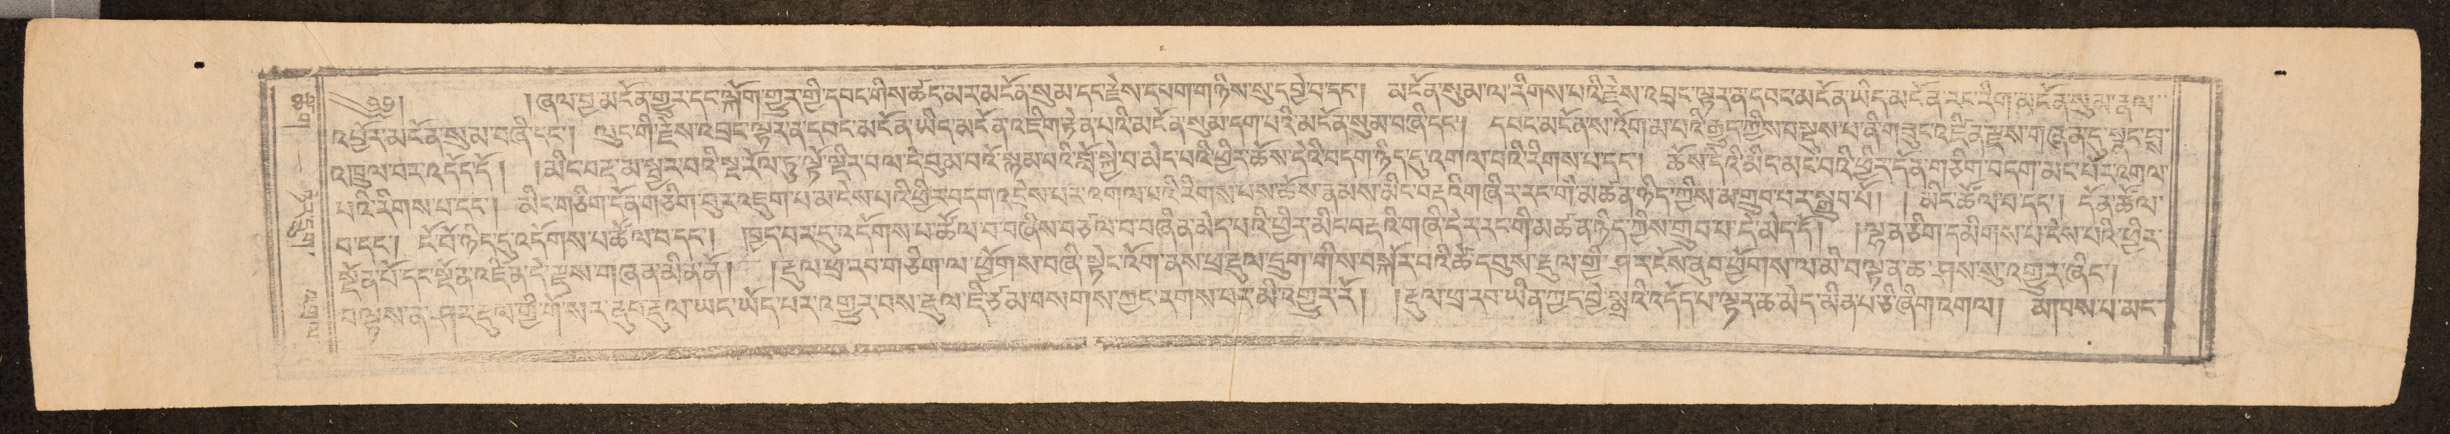༄༅། །ཞལ་བྱ་མངོན་གྱུར་དང་ལྐོག་གྱུར་གྱི་དབང་གིས་ཚད་མར་མངོན་སུམ་དང་རྗེས་དཔག་གཉིས་སུ་དབྱེ་བ་དང་། མངོན་སུམ་ལ་རིགས་པའི་རྗེས་འབྲང་ལྟར་ན་དབང་མངོན་ཡིད་མངོན་རང་རིག་མངོན་སུམ་རྣལ་
འབྱོར་མངོན་སུམ་བཞི་དང་། ལུང་གི་རྗེས་འབྲང་ལྟར་ན་དབང་མངོན་ཡིད་མངོན་འཇིག་རྟེན་པའི་མངོན་སུམ་དག་པའི་མངོན་སུམ་བཞི་དང་། དབང་མངོན་ས་འོག་མ་པའི་རྒྱུད་ཀྱིས་བསྡུས་པ་ནི་གཟུང་འཛིན་རྫས་གཞན་དུ་སྣང་བས་
འཁྲུལ་བར་འདོད་དོ། །མིང་བརྡ་མ་སྦྱར་བའི་སྔ་རོལ་ཏུ་ལྟོ་ལྡིར་བལ་དེ་བུམ་པའོ་སྙམ་པའི་བློ་སྐྱེ་བ་མེད་པའི་ཕྱིར་ཆོས་དེའི་བདག་ཉིད་དུ་འགལ་བའི་རིགས་པ་དང་། ཆོས་དེའི་མིང་མང་བའི་ཕྱིར་དོན་གཅིག་བདག་མང་པོར་འགལ་
པའི་རིགས་པ་དང་། མིང་གཅིག་དོན་གཅིག་བུར་འཇུག་པ་མ་ངེས་པའི་ཕྱིར་བདག་འདྲེས་པར་འགལ་པའི་རིགས་པས་ཆོས་རྣམས་མིང་བརྡའི་གཞིར་རང་གི་མཚན་ཉིད་ཀྱིས་མ་གྲུབ་པར་སྒྲུབ་པོ། །མིང་ཚོལ་བ་དང་། དོན་ཚོལ་
བ་དང་། ངོ་བོ་ཉིད་དུ་འདོགས་པ་ཚོལ་བ་དང་། ཁྱད་པར་དུ་འདོགས་པ་ཚོལ་བ་བཞིས་བཙལ་བ་བཞིན་མེད་པའི་ཕྱིར་མིང་བརྡའི་གཞི་དེར་རང་གི་མཚན་ཉིད་ཀྱིས་གྲུབ་པ་དེ་མེད་དོ། །ལྷན་ཅིག་དམིགས་པ་ངེས་པའི་ཕྱིར་
སྔོན་པོ་དང་སྔོན་འཛིན་དེ་རྫས་གཞན་མིན་ནོ། །རྡུལ་ཕྲ་རབ་གཅིག་ལ་ཕྱོགས་བཞི་སྟེང་འོག་ནས་ཕྲ་རྡུལ་དྲུག་གིས་བསྐོར་བའི་ཚེ་དབུས་རྡུལ་གྱི་ཤར་ངོས་ནུབ་ཕྱོགས་ལ་མི་བལྟ་ན་ཆ་ཤས་སུ་འགྱུར་ཞིང་།
བལྟས་ན་ཤར་རྡུལ་གྱི་གོ་སར་ནུབ་རྡུལ་ཡང་ཡོད་པར་འགྱུར་བས་རྡུལ་ཇི་ཙམ་བསགས་ཀྱང་རགས་པར་མི་འགྱུར་རོ། །རྡུལ་ཕྲ་རབ་ཡིན་ཀྱང་བྱེ་སྨྲའི་འདོད་པ་ལྟར་ཆ་མེད་མིན་པ་ཅི་ཞིག་འགལ། མཁས་པ་མང་